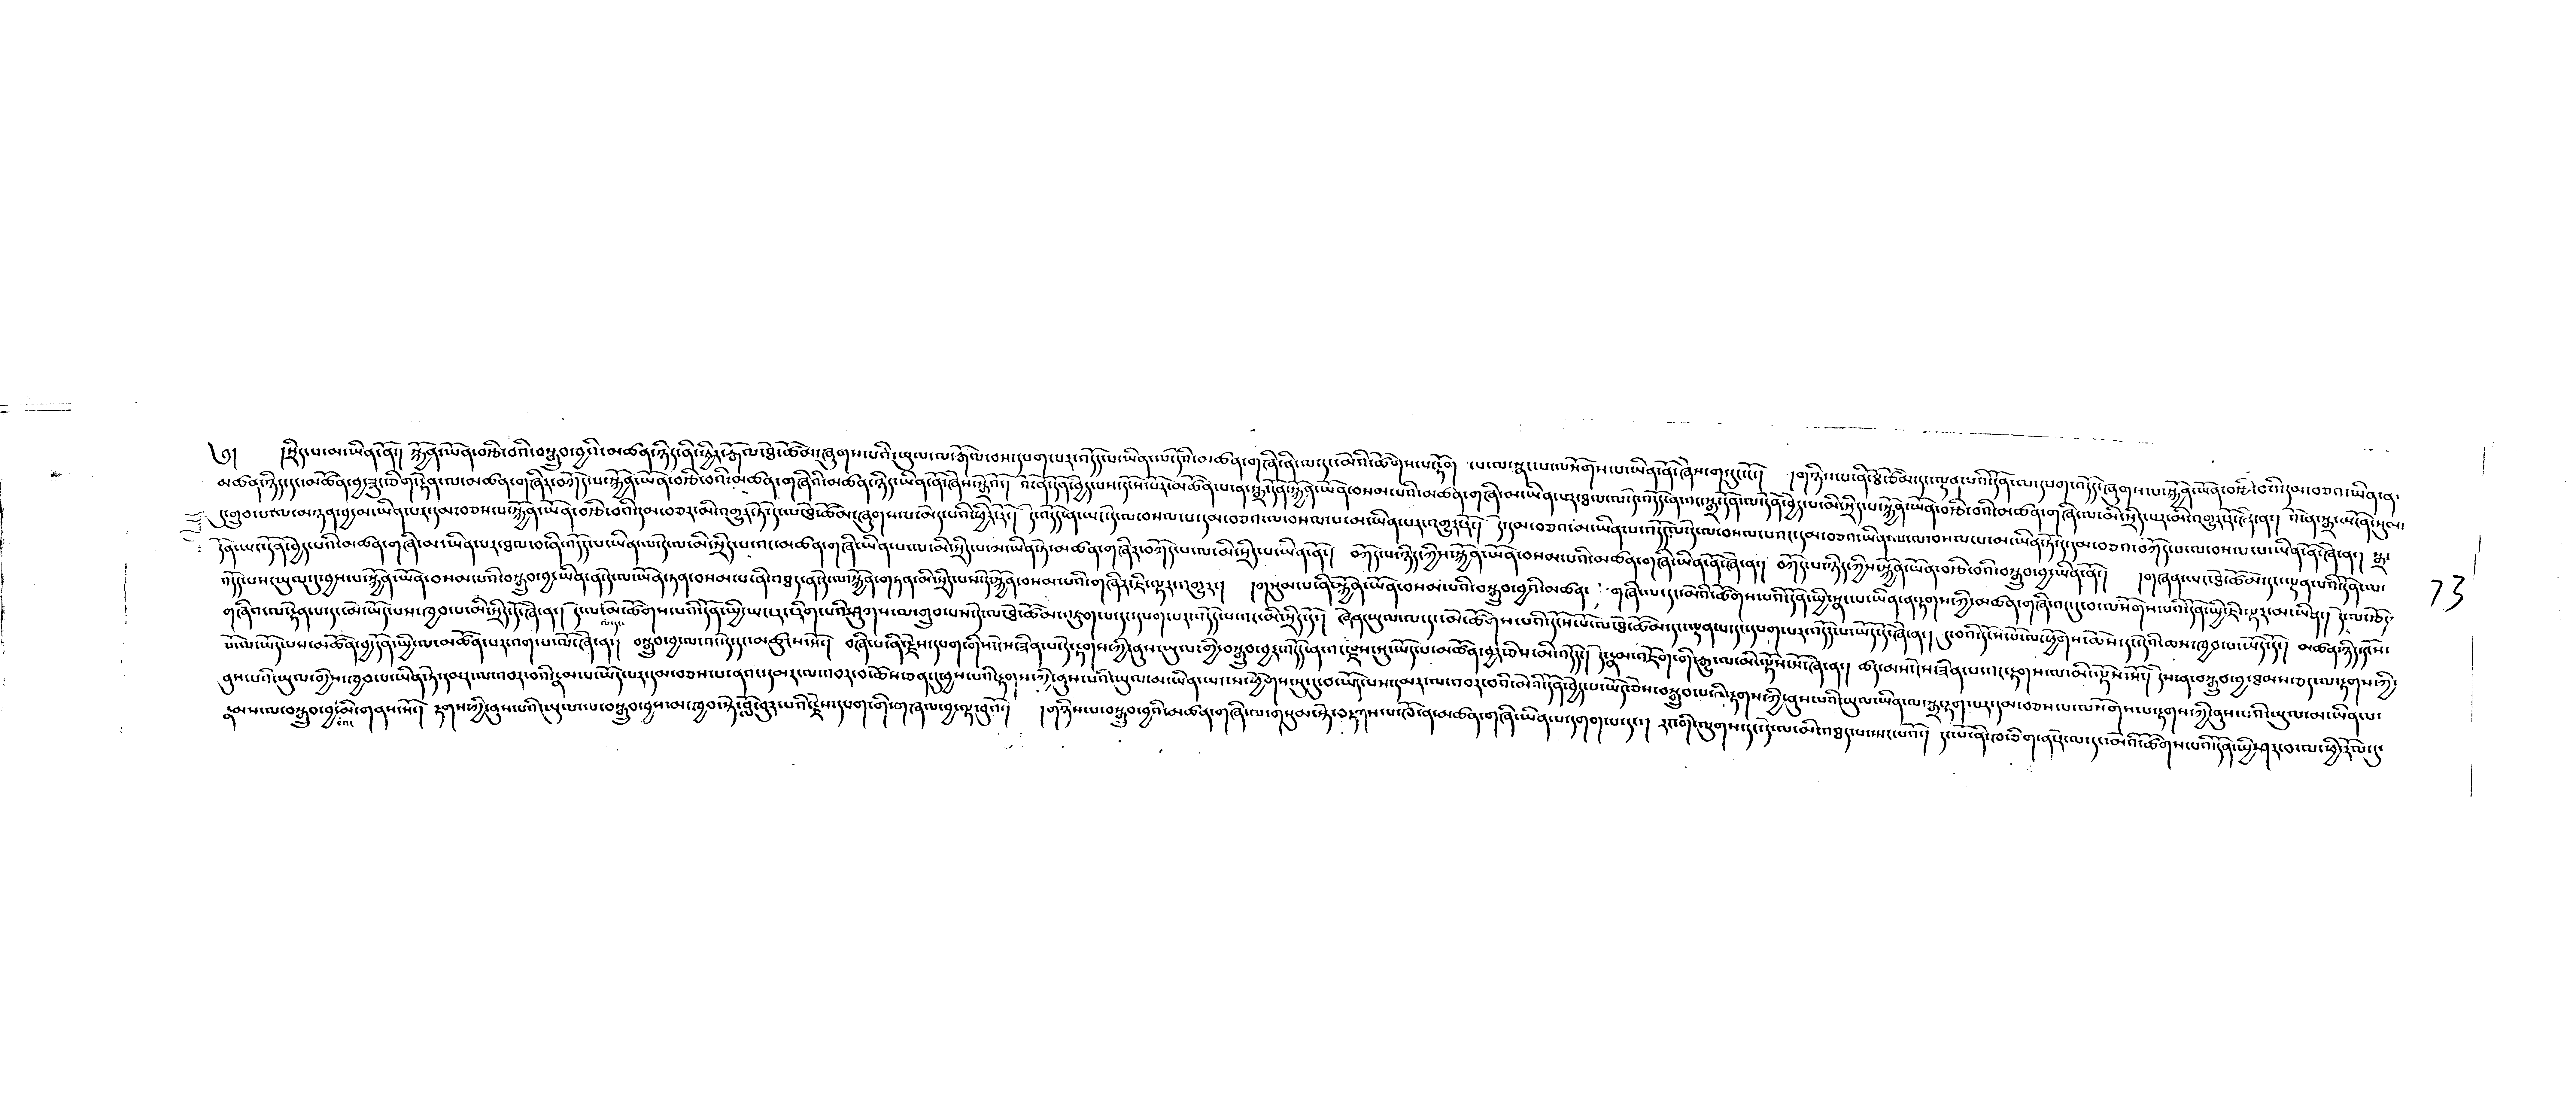༈། །སྲིད་པ་མ་ཡིན་ནོ། སྐྱོན་ཡོན་བརྩི་བའི་བསྒྲུབ་བྱའི་མཚན་ཉིད་ནི་ཕྱིར་རྒོལ་ཐེ་ཚོམ་ཞུགས་པའི་ཡུལ་ལ་རྒོལ་བས་དཔག་པར་འདོད་པ་ཡིན་པ་དེའི་མཚན་གཞི་ནི་ལ་དང་མེའི་ཚོགས་པ་རྟོགས་པ་ལ་སྣང་པ་ལ་སོགས་པ་ཡིན་ནོ་ཞེས་གསུང་ངོ། །གཉིས་པ་ནི་ཐེ་ཙོམ་དང་ལྡན་པའི་དོན་ལ་དཔག་འདོད་ཞུགས་པ་སྐྱོན་ཡོན་བརྩི་བའི་དམ་བཅའ་ཡིན་ན་
མཚན་ཉིད་དང་མཚོན་བྱ་ཟུང་ཅིག་རྟེན་ལ་མཚན་གཞིར་བཀོད་པ་སྐྱོན་ཡོན་བརྩི་བའི་མཚན་གཞིའི་མཚན་ཉིད་ཡིན་ནོ་ཞེས་སྒྲེའོ། འོ་ན་དོན་བྱེད་པས་དངོས་པོར་མཚོན་པ་ན་སྒྲ་དོན་སྐྱོན་ཡོན་བསམ་པའི་མཚན་གཞི་མ་ཡིན་པར་ཐལ་ལ་དེ་འདོད་ན་འང་སྒྲ་དོན་ལ་དོན་བྱེད་པ་མི་སྲིད་པ་སྐྱོན་ཡོན་བརྩི་བའི་མཚན་གཞི་ལ་མི་སྲིད་པར་མི་འགྱུར་རོ་ཞེ་ན། འོ་ན་སྒྲ་མངོན་སུམ་
དུ་གྲུབ་པ་ལ་མཉན་བྱ་མ་ཡིན་པར་དམ་བཅས་པ་སྐྱོན་ཡོན་བརྩི་བའི་དམ་བཅར་མི་འགྱུར་ཏེ་དེ་ལ་ཐེ་ཚོམ་ཞུགས་པ་མེད་པའི་ཕྱིར་རོ། དེ་འདོད་ན་ཡང་དེ་ལ་བསལ་པ་དམ་བཅའ་ལ་བསལ་པ་མ་ཡིན་པར་འགྱུར་རོ། དེ་དམ་བཅའ་མ་ཡིན་པ་འདོད་པ་དེ་ལ་བསལ་པའང་དམ་བཅའ་ཡིན་པ་ལ་བསལ་པ་མ་ཡིན་ཏེ་དེ་དམ་བཅའ་བཀོད་པ་ལ་བསལ་པ་ཡིན་ནོ་ཞེ་ན། སྒྲ་
དོན་ཡང་དོན་བྱེད་པའི་མཚན་གཞི་མ་ཡིན་པར་ཐལ་བ་ནི་འདོད་པ་ཡིན་ལ་དེ་ལ་མི་སྲིད་པ་འང་མཚན་གཞི་ཡིན་པ་ལ་མི་སྲིད་པ་མ་ཡིན་ཏེ་མཚན་གཞིར་བཀོད་པ་ལ་མི་སྲིད་པ་ཡིན་ནོ། བཀོད་པ་ཉིད་ཀྱིས་སྐྱོན་ཡོན་བསམ་པའི་མཚན་གཞི་ཡིན་ནོ་ཞེ་ན། བཀོད་པ་ཉིད་ཀྱིས་སྐྱོན་ཡོན་བརྩི་བའི་བསྒྲུབ་བྱ་ཡིན་ནོ། །གཞན་ཡང་ཐེ་ཚོམ་དང་ལྡན་པའི་དོན་ལ་
འདོད་པས་ཡུལ་དུ་བྱས་པ་སྐྱོན་ཡོན་བསམ་པའི་བསྒྲུབ་བྱ་ཡིན་ན་དེ་ལ་ཡོན་ཏན་བསམ་པ་ནི་འཐད་ན་དེ་ལ་སྐྱོན་གཏན་མི་སྲིད་པས་དེ་སྐྱོན་བསམ་པའི་གཞིར་ཇི་ལྟར་འགྱུར། །གསུམ་པ་ནི་སྐྱོན་ཡོན་བསམ་པའི་བསྒྲུབ་བྱའི་མཚན་གཞི་པ་དང་མེའི་ཚོགས་པའི་དོན་སྤྱི་སྣང་པ་ཡིན་ན་རྟགས་ཀྱི་མཚན་གཞི་འང་དུ་བ་ལ་སོགས་པའི་དོན་སྤྱི་ཇི་ལྟར་མ་ཡིན། དེ་ལ་རྩོད་
གཞིས?་ལ་རྟེན་པ་དང་མེ་ཡོད་པས་ཁྱབ་པ་མི་སྲིད་དོ་ཞེ་ན། དེ་ལ་ལ?་དང་མེ་ཚོགས་པའི་དོན་སྤྱི་ཡང་རང་རིག་པའི་ཤུགས་མ་གྲུབ་པས་དེ་ལ་ཐེ་ཚོམ་འཇུག་པ་དང་དཔག་པར་འདོད་པ་འང་མི་སྲིད་དོ། ཞེན་ཡུལ་ལ་དང་མེ་ཚོགས་པའི་དངོས་པོ་ལ་ཐེ་ཚོམ་དང་ལྡན་པ་དང་དཔག་པར་འདོད་པ་ཡོད་དོ་ཞེ་ན། དུ་བའི་དངོས་པོ་ལ་ཕྱོགས་ཆོས་དང་དེའི་ཆས་ཁྱབ་པ་ཡོད་དོ། མཚན་ཉིད་དངོས་
པོ་ལ་ཡོད་པས་མཚོན་བྱ་དོན་སྤྱི་ལ་མཚོན་པར་འགལ་ལོ་ཞེ་ན། བསྒྲུབ་བྱ་ལ་འང་དེ་དང་མཚུངས་སོ། བཞི་པ་ནི་རྗེས་དཔག་གིས་ངེས་ཟིན་པ་དེ་རྟགས་ཀྱི་ནུས་ཡུལ་གྱི་བསྒྲུབ་བྱར་འདོད་ན་འང་རྫས་སུ་ཡོད་པ་མཚོན་བྱར་ཅིས་མི་འདོད། དེ་རྣམ་འཇོག་གི་རྒྱུ་ལ་མི་ལྟོས་སོ་ཞེ་ན། ཚད་མས་ངེས་ཟིན་པ་འང་རྟགས་ལ་མི་ལྟོས་སོ། དེས་ན་བསྒྲུབ་བྱ་ཐམས་ཅད་ལ་རྟགས་ཀྱི་
ནུས་པའི་ཡུལ་གྱིས་ཁྱབ་པ་ཡིན་ཏེ་དམར་ལ་འབར་བའི་རྣམ་པ་ཡོད་པར་དམ་བཅས་པ་ནའང་དམར་ལ་འབར་བ་ཆོས་ཅན་དུ་བྱས་པའི་རྟགས་ཀྱི་ནུས་པའི་ཡུལ་མ་ཡིན་ཡང་ས་ཕྱོགས་སུ་དུ་བ་ཡོད་པས་དམར་ལ་འབར་བའི་མེའི་དོན་བྱེད་པ་ཡོད་ཅེས་བསྒྲུབ་པའི་རྟགས་ཀྱི་ནུས་པའི་ཡུལ་ཡིན་ལ་སྒྲ་རྟག་པར་དམ་བཅས་པ་ལ་སོགས་པ་རྟགས་ཀྱི་ནུས་པའི་ཡུལ་མ་ཡིན་པ་
རྣམས་ལ་བསྒྲུབ་བྱ་བའི?་མི་གནས་སོ། རྟགས་ཀྱི་ནུས་པའི་ཡུལ་ལ་བསྒྲུབ་བྱས་མ་ཁྱབ་སྟེ་བློ་བུར་པའི་རྗེས་དཔག་གི་གཞལ་བྱ་ལྟ་བུའོ། །གཉིས་པ་བསྒྲུབ་བྱའི་མཚན་གཞི་ལ་གསུམ་སྟེ་བརྟགས་པ་ཁོ་ན་མཚན་གཞི་ཡིན་པ་དགག་པ་དང་། རང་གི་ལུགས་དང་དེ་ལ་མི་འཐད་པ་སྤང་པའོ། དང་པོ་ནི་ཁ་ཅིག་ན་རེ་ལ་དང་མེའི་ཚོགས་པའི་དོན་སྤྱི་ཤར་བ་ལ་ཕྱི་རོལ་དུ་